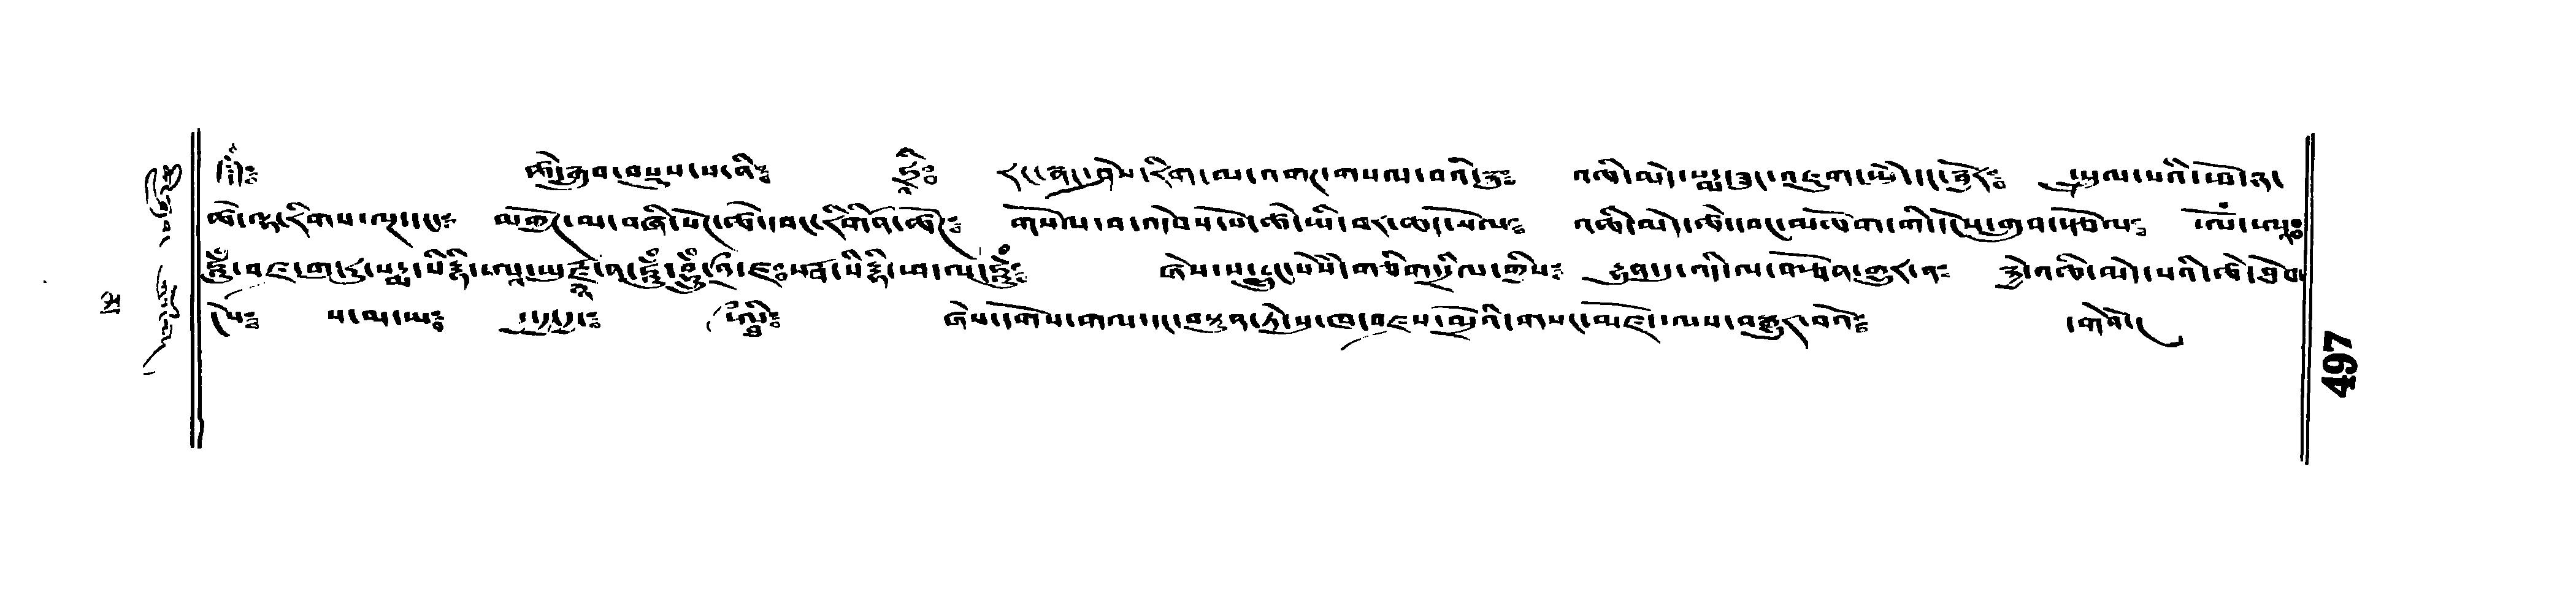ཚེ་སྒྲུབ་བསྡུས་པ་ནི༔ ཧྲཱིཿ རང་སྣང་ཤེས་རིག་མ་འགགས་གསལ་བའི་སྐུ༔ འཆི་མེད་པདྨ་ཟུང་འཇུག་ཡབ་ཡུམ་དང་སྦྱོར༔ སྤྲུལ་པའི་ཕོ་ཉ་
ཚེ་ལྷ་རིགས་ལྔ་དང༔ མགྱོགས་མ་བཞི་སོགས་ཚེ་དབང་རིག་འཛིན་ཚོགས༔ གསོལ་བ་འདེབས་སོ་ཚེ་ཡི་བར་ཆད་སོལ༔ འཆི་མེད་ཚེ་དབང་མཆོག་གི་དངོས་གྲུབ་སྩོལ༔ ཨོཾ་ཨཱཿ
ཧཱུྃ་བཛྲ་གུ་རུ་པདྨ་སིདྡྷི་ཨཱ་ཡུརྫྙཱ་ན་ཧཱུྃ་བྷྲཱུྃ་ནྲྀ་ཛཿསརྦ་སིདྡྷི་ཕ་ལ་ཧཱུྃ༔ ཞེས་པ་རླུང་སེམས་གཅིག་དྲིལ་གྱིས༔ རྒྱུན་དུ་འདི་ལ་བརྩོན་གྱུར་ན༔ སྐྱེ་འཆི་མེད་པའི་ཚེ་ཐོབ་
ངེས༔ ས་མ་ཡ༔ རྒྱ་རྒྱ་རྒྱ༔ ༔ ཞེས་དགོས་གལ་དང་བསྟུན་ཏེ་སུ་ཁ་བཛྲས་མཁའ་འགྲོའི་གསང་མཛོད་ལས་བསྒྱུར་བའོ༔ དགེའོ།།